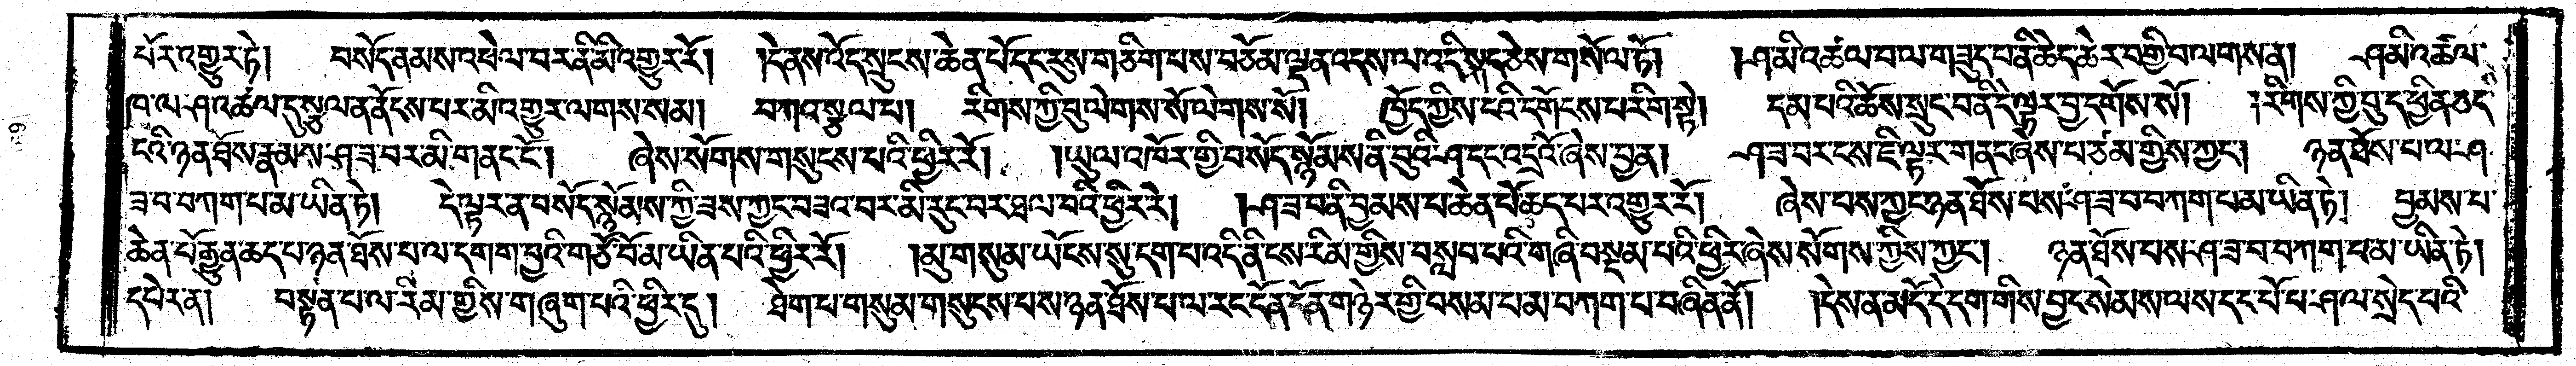པོར་འགྱུར་ཏེ། བསོད་ནམས་འཕེལ་བར་ནི་མི་འགྱུར་རོ། །དེ་ནས་འོད་སྲུངས་ཆེན་པོ་དང་རུས་གཅིག་པས་བཅོམ་ལྡན་འདས་ལ་འདི་སྐད་ཅེས་གསོལ་ཏོ། །ཤ་མི་འཚལ་བ་ལ་གཟུད་པ་ནི་ཆེད་ཆེར་བགྱི་བ་ལགས་ན། ཤ་མི་འཚལ་
ཁ་ལ་ཤ་འཚལ་དུ་སྩལ་ན་ནོངས་པར་མི་འགྱུར་ལགས་སམ། བཀའ་སྩལ་པ། རིགས་ཀྱི་བུ་ལེགས་སོ་ལེགས་སོ། ཁྱོད་ཀྱིས་ངའི་དགོངས་པ་རིག་སྟེ། དམ་པའི་ཆོས་སྲུང་བ་ནི་དེ་ལྟར་བྱ་དགོས་སོ། །རིགས་ཀྱི་བུ་ད་ཕྱིན་ཅད་
ངའི་ཉན་ཐོས་རྣམས་ཤ་ཟ་བར་མི་གནང་ངོ། ཞེས་སོགས་གསུངས་པའི་ཕྱིར་རོ། །ཡུལ་འཁོར་གྱི་བསོད་སྙོམས་ནི་བུའི་ཤ་དང་འདྲའོ་ཞེས་བྱ་ན། ཤ་ཟ་བར་ངས་ཇི་ལྟར་གནང་ཞེས་པ་ཙམ་གྱིས་ཀྱང་། ཉན་ཐོས་པ་ལ་ཤ་
ཟ་བ་བཀག་པ་མ་ཡིན་ཏེ། དེ་ལྟར་ན་བསོད་སྙོམས་ཀྱི་ཟས་ཀྱང་བཟའ་བར་མི་རུང་བར་ཐལ་བའི་ཕྱིར་རེ། །ཤ་ཟ་བ་ནི་བྱམས་པ་ཆེན་པོ་ཆད་པར་འགྱུར་རོ། ཞེས་པས་ཀྱང་ཉན་ཐོས་པས་ཤ་ཟ་བ་བཀག་པ་མ་ཡིན་ཏེ། བྱམས་པ་
ཆེན་པོ་རྒྱུན་ཆད་པ་ཉན་ཐོས་པ་ལ་དགག་བྱའི་གཙོ་བོ་མ་ཡིན་པའི་ཕྱིར་རོ། །མུ་གསུམ་ཡོངས་སུ་དག་པ་འདི་ནི་ངས་རིམ་གྱིས་བསླབ་པའི་གཞི་བསྔམ་པའི་ཕྱིར་ཞེས་སོགས་ཀྱིས་ཀྱང་། ཉན་ཐོས་པས་ཤ་ཟ་བ་བཀག་པ་མ་ཡིན་ཏེ།
དཔེར་ན། བསྟན་པ་ལ་རིམ་གྱིས་གཞུག་པའི་ཕྱིར་དུ། ཐེག་པ་གསུམ་གསུངས་པས་ཉན་ཐོས་པ་ལ་རང་དོན་དོན་གཉེར་གྱི་བསམ་པ་མ་བཀག་པ་བཞིན་ནོ། །དེས་ན་མདོ་དེ་དག་གིས་བྱང་སེམས་ལས་དང་པོ་པ་ཤ་ལ་སྲེད་པའི་